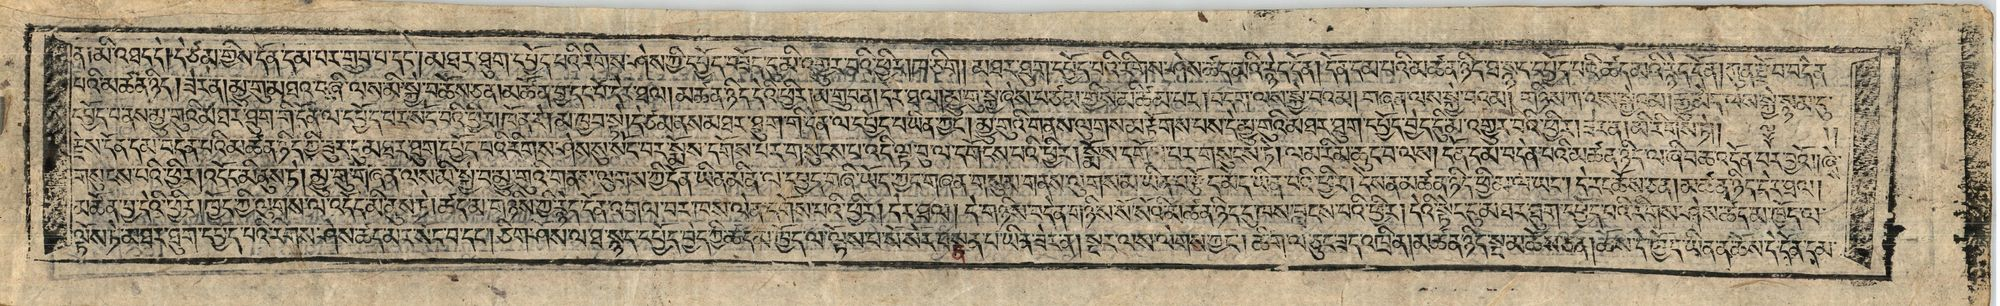ན༑ མི་འཐད་དེ། དེ་ཙམ་གྱིས་དོན་དམ་པར་གྲུབ་པ་དང་། མཐར་ཐུག་དཔྱོད་པའི་རིགས་ཤེས་ཀྱི་དཔྱོད་བཟོད་དུ་མི་འགྱུར་བའི་ཕྱིར། ཁ་ཅིག །མཐར་ཐུག་དཔྱོད་པའི་རིགས་ཤེས་ཚད་མའི་རྙེད་དོན། དོན་དམ་པའི་མཚན་ཉིད་ཐ་སྙད་དཔྱོད་པའི་ཚད་མའི་རྙེད་དོན། ཀུན་རྫོབ་བདེན་
པའི་མཚན་ཉིད། ཟེར་ན། མྱུ་གུ་མཐའ་བཞི་ལས་མི་སྐྱེ་བ་ཆོས་ཅན། མཚོན་བྱ་དང་པོ་དེར་ཐལ། མཚན་ཉིད་དེའི་ཕྱིར། མ་གྲུབ་ན། དེར་ཐལ། མྱུ་གུ་སྐྱེ་ཞེས་པ་ཙམ་གྱིས་མཚིམྤར། བདག་ལས་སྐྱེ་བའམ། གཞན་ལས་སྐྱེ་བའམ། གཉིས་ཀ་ལས་སྐྱེའམ། རྒྱུ་མེད་ལས་སྐྱེ་སྙམ་དུ་
དཔྱོད་གནས་མྱུ་གུའི་མཐར་ཐུག་གི་དོན་ལ་དཔྱོད་པར་སོང་བའི་ཕྱིར། ཁོ་ན་རེ། མ་ཁྱབ་སྟེ། དེ་ཙམ་ནས་མཐར་ཐུག་གི་དོན་ལ་དཔྱོད་པ་ཡིན་ཀྱང་། མྱུ་གུའི་གནས་ལུགས་མ་རྟོགས་པས་དེ་མྱུ་གུའི་མཐར་ཐུག་དཔྱོད་བྱེད་དུ་མི་འགྱུར་བའི་ཕྱིར། ཟེར་ན། མི་རིགས་ཏེ།། ༈ །།
རྗེས་དོན་དམ་བདེན་པའི་མཚན་ཉིད་ཀྱི་ཟུར་དུ་མཐར་ཐུག་དཔྱོད་པའི་རིགས་ཤེས་སུ་སོང་བར་སྨོས་དགོས་པར་གསུངས་པ་འདི་ལྟ་བུ་ལ་དགོངས་པའི་ཕྱིར། སྨོས་དགོས་པར་གསུངས་ཏེ། ལམ་རིམ་ཆུང་བ་ལས། དོན་དམ་བདེན་པའི་མཚན་ཉིད་ལ་ཞིབ་ཆ་འདོན་པར་བྱའོ། །ཞེས་
གསུངས་པའི་ཕྱིར། འདོད་མི་ནུས་ཏེ། མྱུ་གུ་གཞན་ལས་མི་སྐྱེ་བ་མྱུ་གུའི་གནས་ལུགས་ཀྱི་དོན་ཡིན་མིན་ལ་དཔྱད་གཞི་ཡོད་ཀྱང་གཞན་གསུམ་གནས་ལུགས་མ་ཡིན་པ་རྩོད་མེད་ཡིན་པའི་ཕྱིར། དེས་ན་མཚན་ཉིད་ཕྱི་མ་ལ་ཡང་། དེ་རང་ཆོས་ཅན། མཚན་ཉིད་དེར་ཐལ།
མཚོན་བྱ་དེའི་ཕྱིར། ཁྱོད་ཀྱི་ལུགས་ལ་འདོད་མི་ནུས་ཏེ། ཚད་མ་གཉིས་ཀྱི་རྙེད་དོན་འགལ་བར་ཁས་ལེན་དགོས་པའི་ཕྱིར། དེར་ཐལ། དེ་གཉིས་བདེན་གཉིས་སོ་སོའི་མཚན་ཉིད་དུ་ཁས་བླངས་པའི་ཕྱིར། དེའི་སྟེང་དུ་མཐར་ཐུག་དཔྱོད་པའི་རིགས་ཤེས་ཚད་མ་ཁྱོད་ལ་
ལྟོས་ཏེ་མཐར་ཐུག་དཔྱོད་པའི་རིགས་ཤེས་ཚད་མར་སོང་བ་དང་། ཅིག་ཤོས་ལ་ཐ་སྙད་དཔྱོད་བྱེད་ཀྱི་ཚད་མ་ཁྱོད་ལ་ལྟོས་པ་སོ་སོར་བསྣནྤ་ཡིན་ཟེར་ན། སྔར་ལས་ལེགས་ཀྱང་། ཚིག་ལ་ཅུང་ཟད་འཁྲིན།མཚན་ཉིད་སྔ་མ་ཆོས་ཅན། ཆོས་དེ་ཁྱོད་ཡིན་ན་ཆོས་དེ་དོན་དམ་